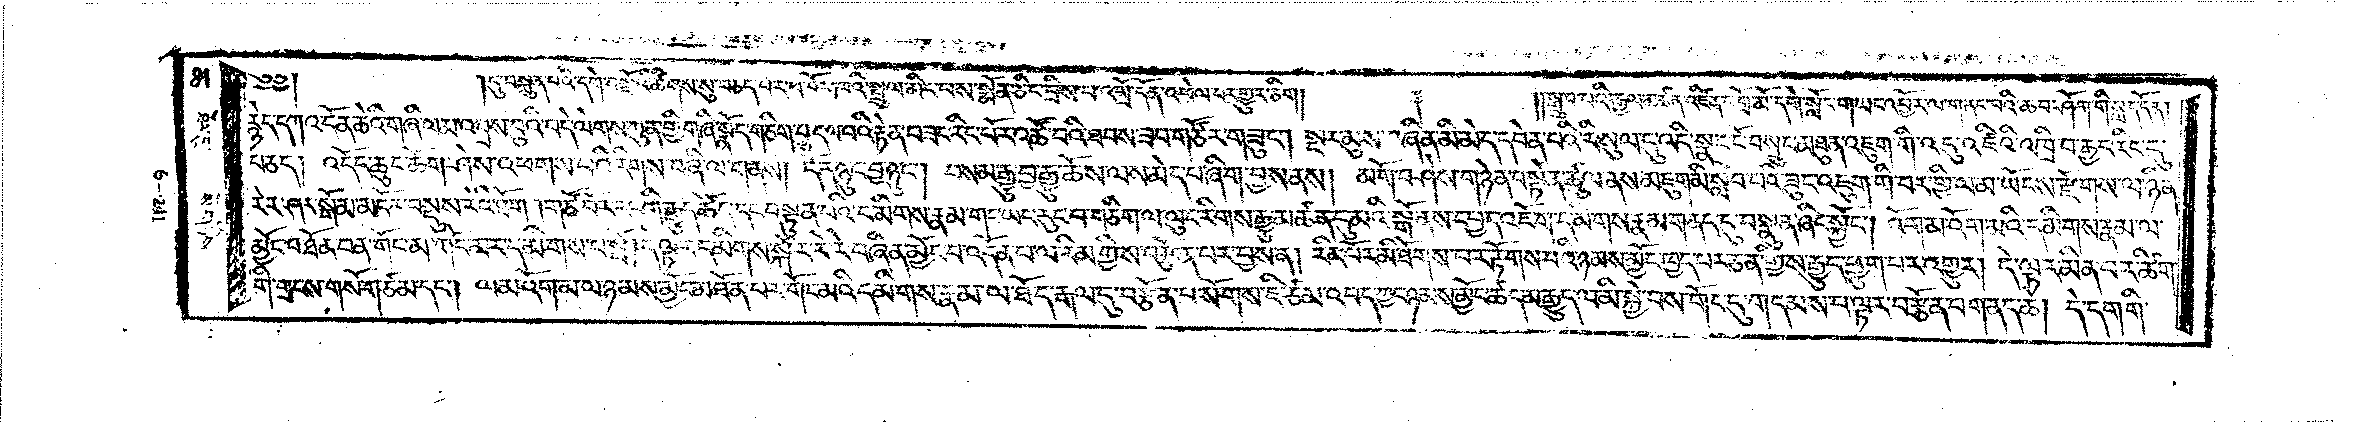༄༅། །དུ་བསྐྲུན་པའི་དགེ་བསྔོའི་ཚིགས་སུ་བཅད་པར་ཕ་བོང་ཁའི་སྤྲུལ་མིང་པས་སྨོན་ཅིང་བྲིས་པ་འགྲོ་དོན་འཕེལ་པར་གྱུར་ཅིག། ༈ །།སྒྲུབ་པའི་རྒྱལ་མཚན་འཛིན་པ་གྲོ་མོ་དགེ་སློང་གཡང་འབྱོར་ལ་གནང་བའི་ཆབ་ཤོག་གི་སླད་དོན།
རྙེད་དཀའ་དོན་ཆེའི་གཞི་ལམ་འབྲས་བུའི་བདེ་ལེགས་ཀུན་གྱི་གཞི་སྣོད་གཅིག་པུ་དལ་བའི་རྟེན་བཟང་རིང་པོར་འཚོ་བའི་ཐབས་ཟབ་གཙོར་གཟུང་། སྔར་མུས་བཞིན་མི་མེད་དབེན་པའི་རི་སུལ་དུ་འདི་སྣང་ངོ་བསྲུང་མཐུན་འཇུག་གི་འདུ་འཛིའི་འཁྲི་བ་རྒྱང་རིང་དུ་
བཅད། འདོད་ཆུང་ཆོག་ཤེས་འཕགས་པའི་རིགས་བཞི་ལ་གནས། དོན་ཉུང་བྱ་ཉུང་། བསམ་རྒྱུ་བྱ་རྒྱུ་ཆོས་ལས་མེད་པ་ཞིག་བྱས་ནས། མགོ་བཤེས་གཉེན་བསྟེན་ཚུལ་ནས་མཇུག་མི་སློབ་པའི་ཟུང་འཇུག་གི་བར་གྱི་ལམ་ཡོངས་རྫོགས་ལ་ཉིན་
རེར་ཤར་སྒོམ་མདོར་བསྡུས་རེའི་ཐོག །གཙོ་བོར་རང་གི་རྒྱུད་ཆོད་དང་བསྟུན་པའི་དམིགས་རྣམ་གང་ཡང་རུང་བ་གཅིག་ལ་ལུང་རིགས་རྒྱུ་མཚན་དུ་མའི་སྒོ་ནས་དཔྱད་འཇོག་དམིགས་རྣམ་གནད་དུ་བསྣུན་ཞིང་སྐྱོང་། འོག་མ་འོག་མའི་དམིགས་རྣམ་ལ་
མྱོང་བ་ཐོན་བན་གོང་མ་གོང་མར་དམིགས་པ་སྤོ། དེ་ལྟར་དམིགས་སྐོར་རེ་རེ་བཞིན་མྱོང་བ་འདོན་བ་ལ་རིམ་གྱིས་བརྩོན་པར་བྱས་ན། རིན་པོར་མི་ཐོགས་པར་རྟོགས་པའི་ཉམས་མྱོང་ཁྱད་པར་ཅན་གྱིས་རྒྱུད་ཕྱུག་པར་འགྱུར། དེ་ལྟར་མིན་བར་ཚིག་
གི་གྲངས་གསོག་ཙམ་དང་། ལམ་འོག་མ་ལ་ཉམས་མྱོང་མཐོན་པར་གོང་མའི་དམིགས་རྣམ་ལ་ཐོད་རྒལ་དུ་བརྩོན་པ་སོགས་ཇི་ཙམ་འབད་ཀྱང་ཉམས་མྱོང་ཚད་མ་རྒྱུད་ལ་མི་སྐྱེ་བས་གོང་དུ་གདམས་པ་ལྟར་བརྩོན་པ་གནད་ཆེ། དེ་དག་གི་